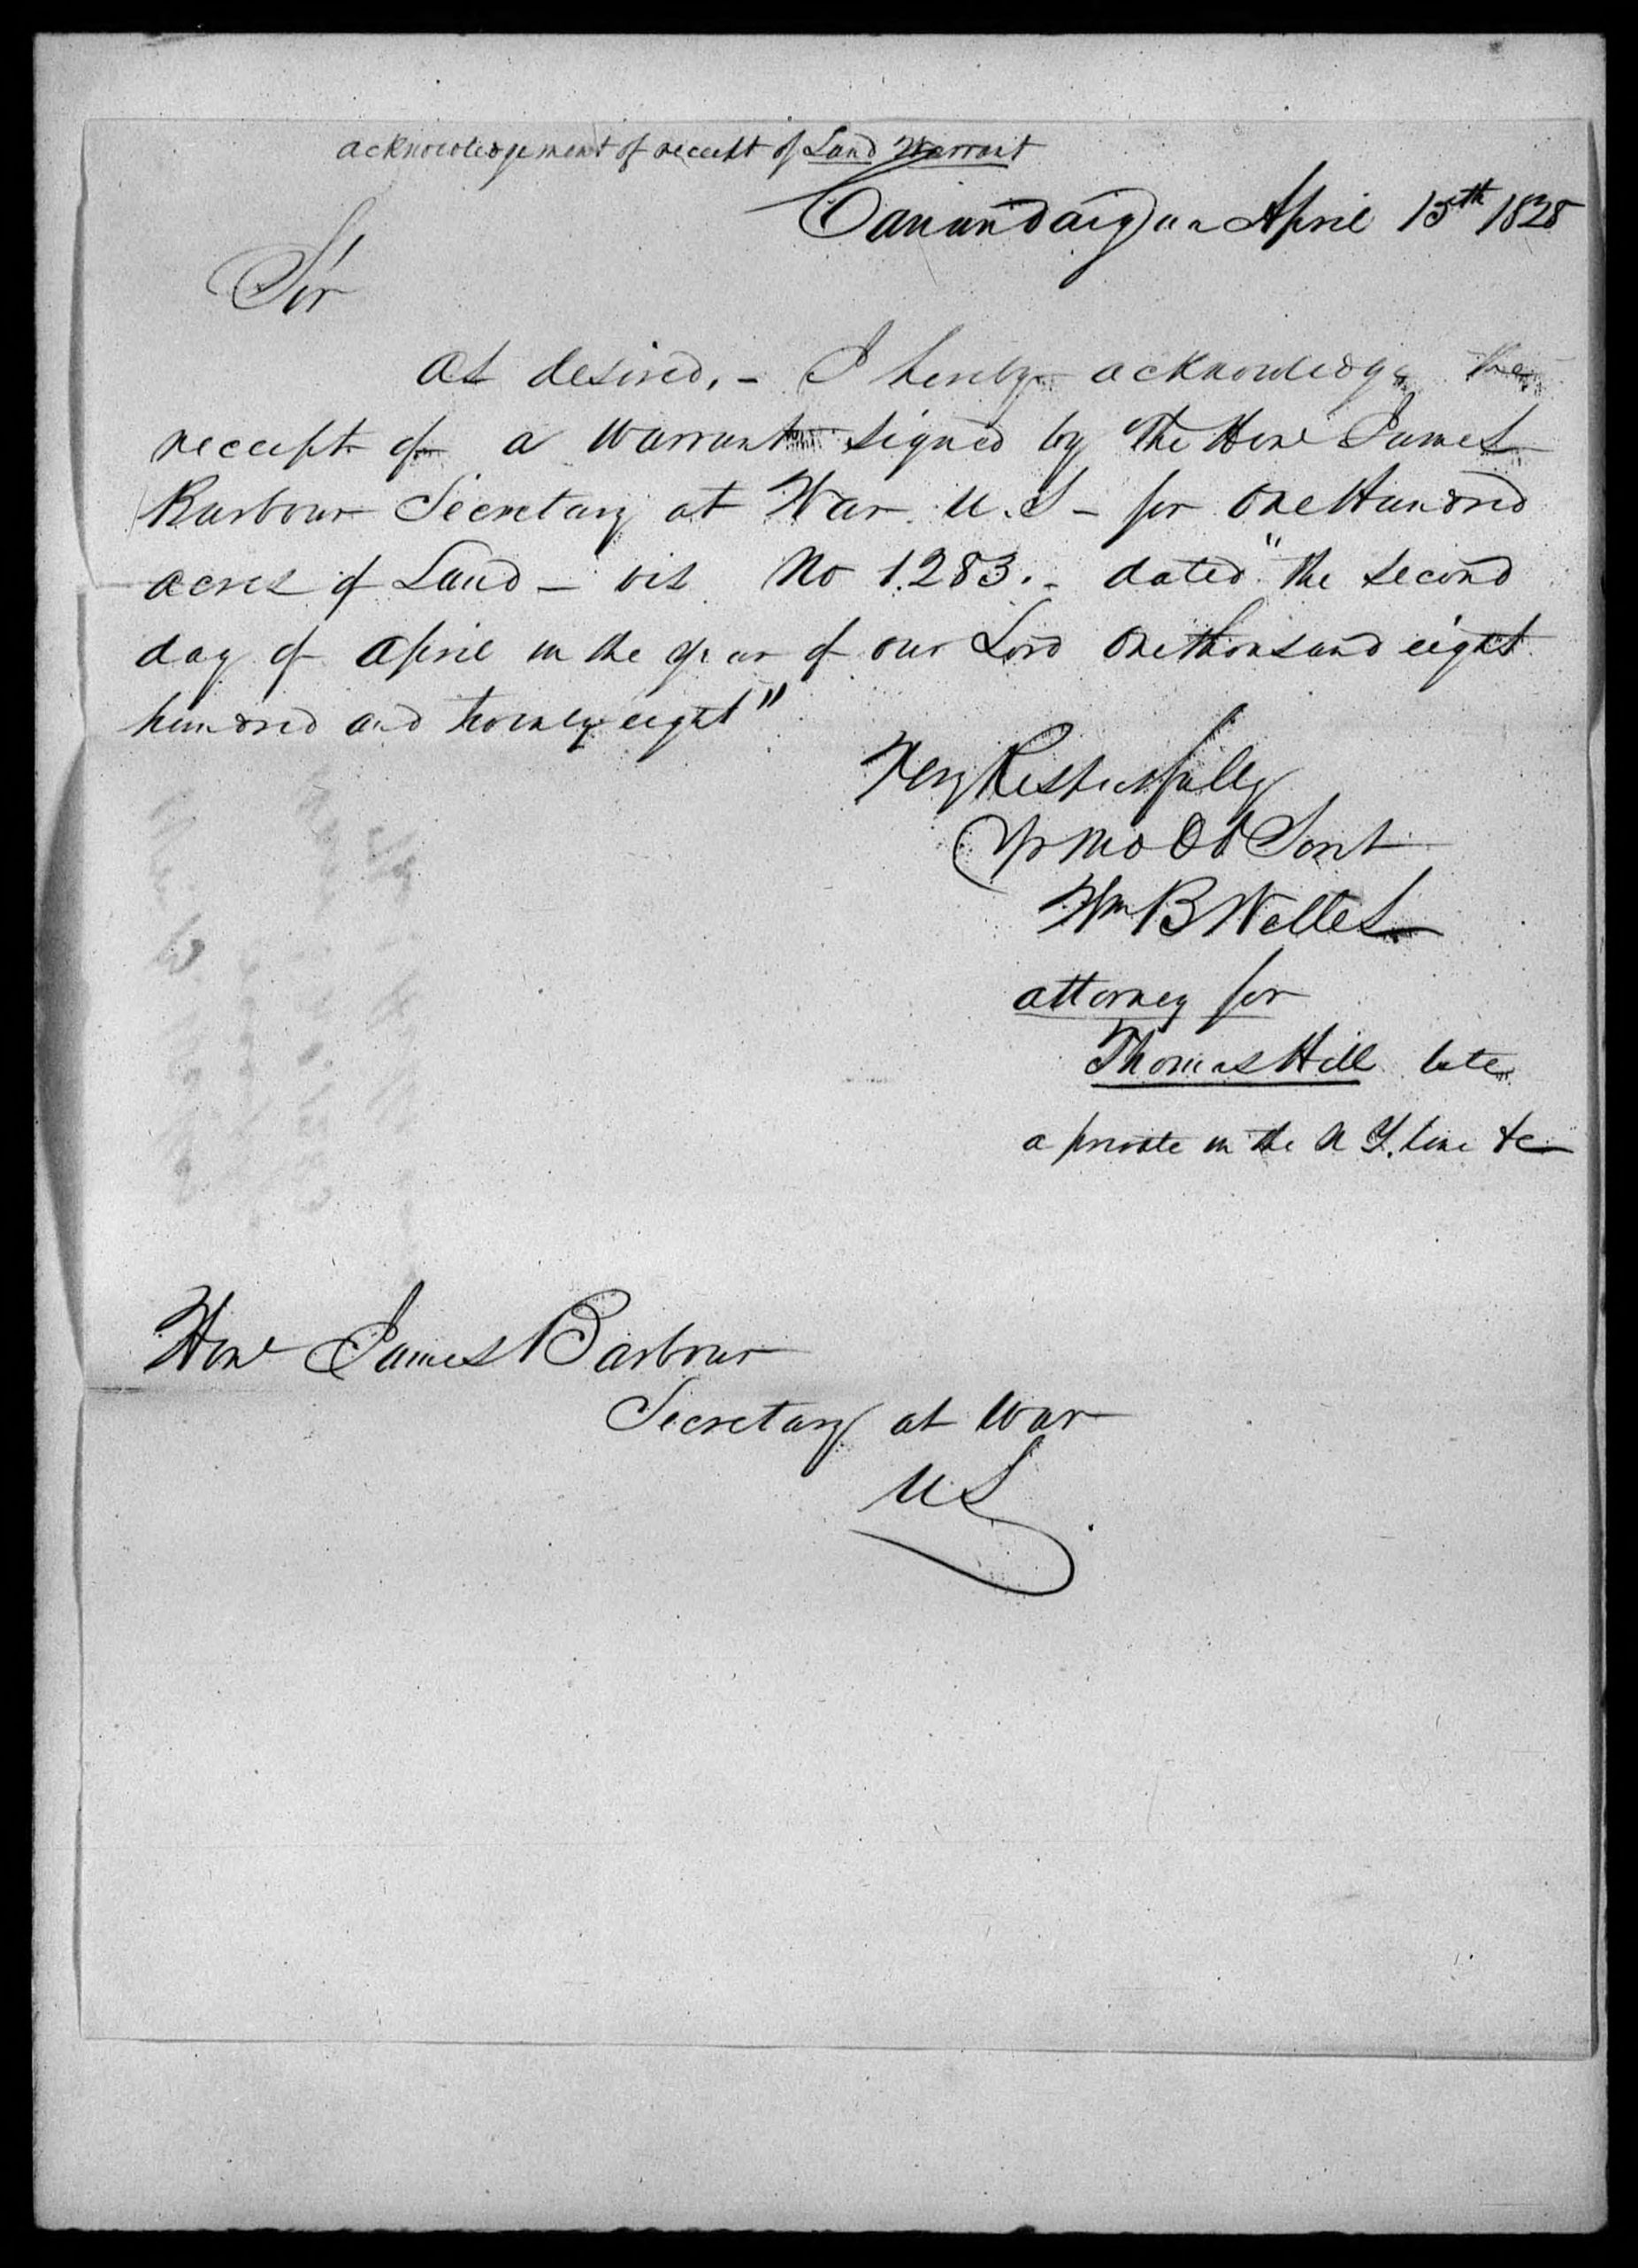Acknowledgement of receipt of Land Warrant
Canandaigua April 15th 1828
Sir
As desired, - I hereby acknowledge the receipt of a warrant signed by The Hon James Barbour Secretary at War U.S - for one hundred acres of Land - viz No 1283. -dated "the second day of April in the year of our Lord one thousand eight hundred and twenty eight"
Very Respectfully
Yr Mo Ob Servt
Wm B Welles
attorney for Thomas Hill late a private in the A Y. line tc

Hon James Barbour
Secretary at War
US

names: Thomas Hill, James Barbour, James Barbour, Wm B Welles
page: 3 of 31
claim: survivor's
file: S. 43672, Thomas Hill, New York